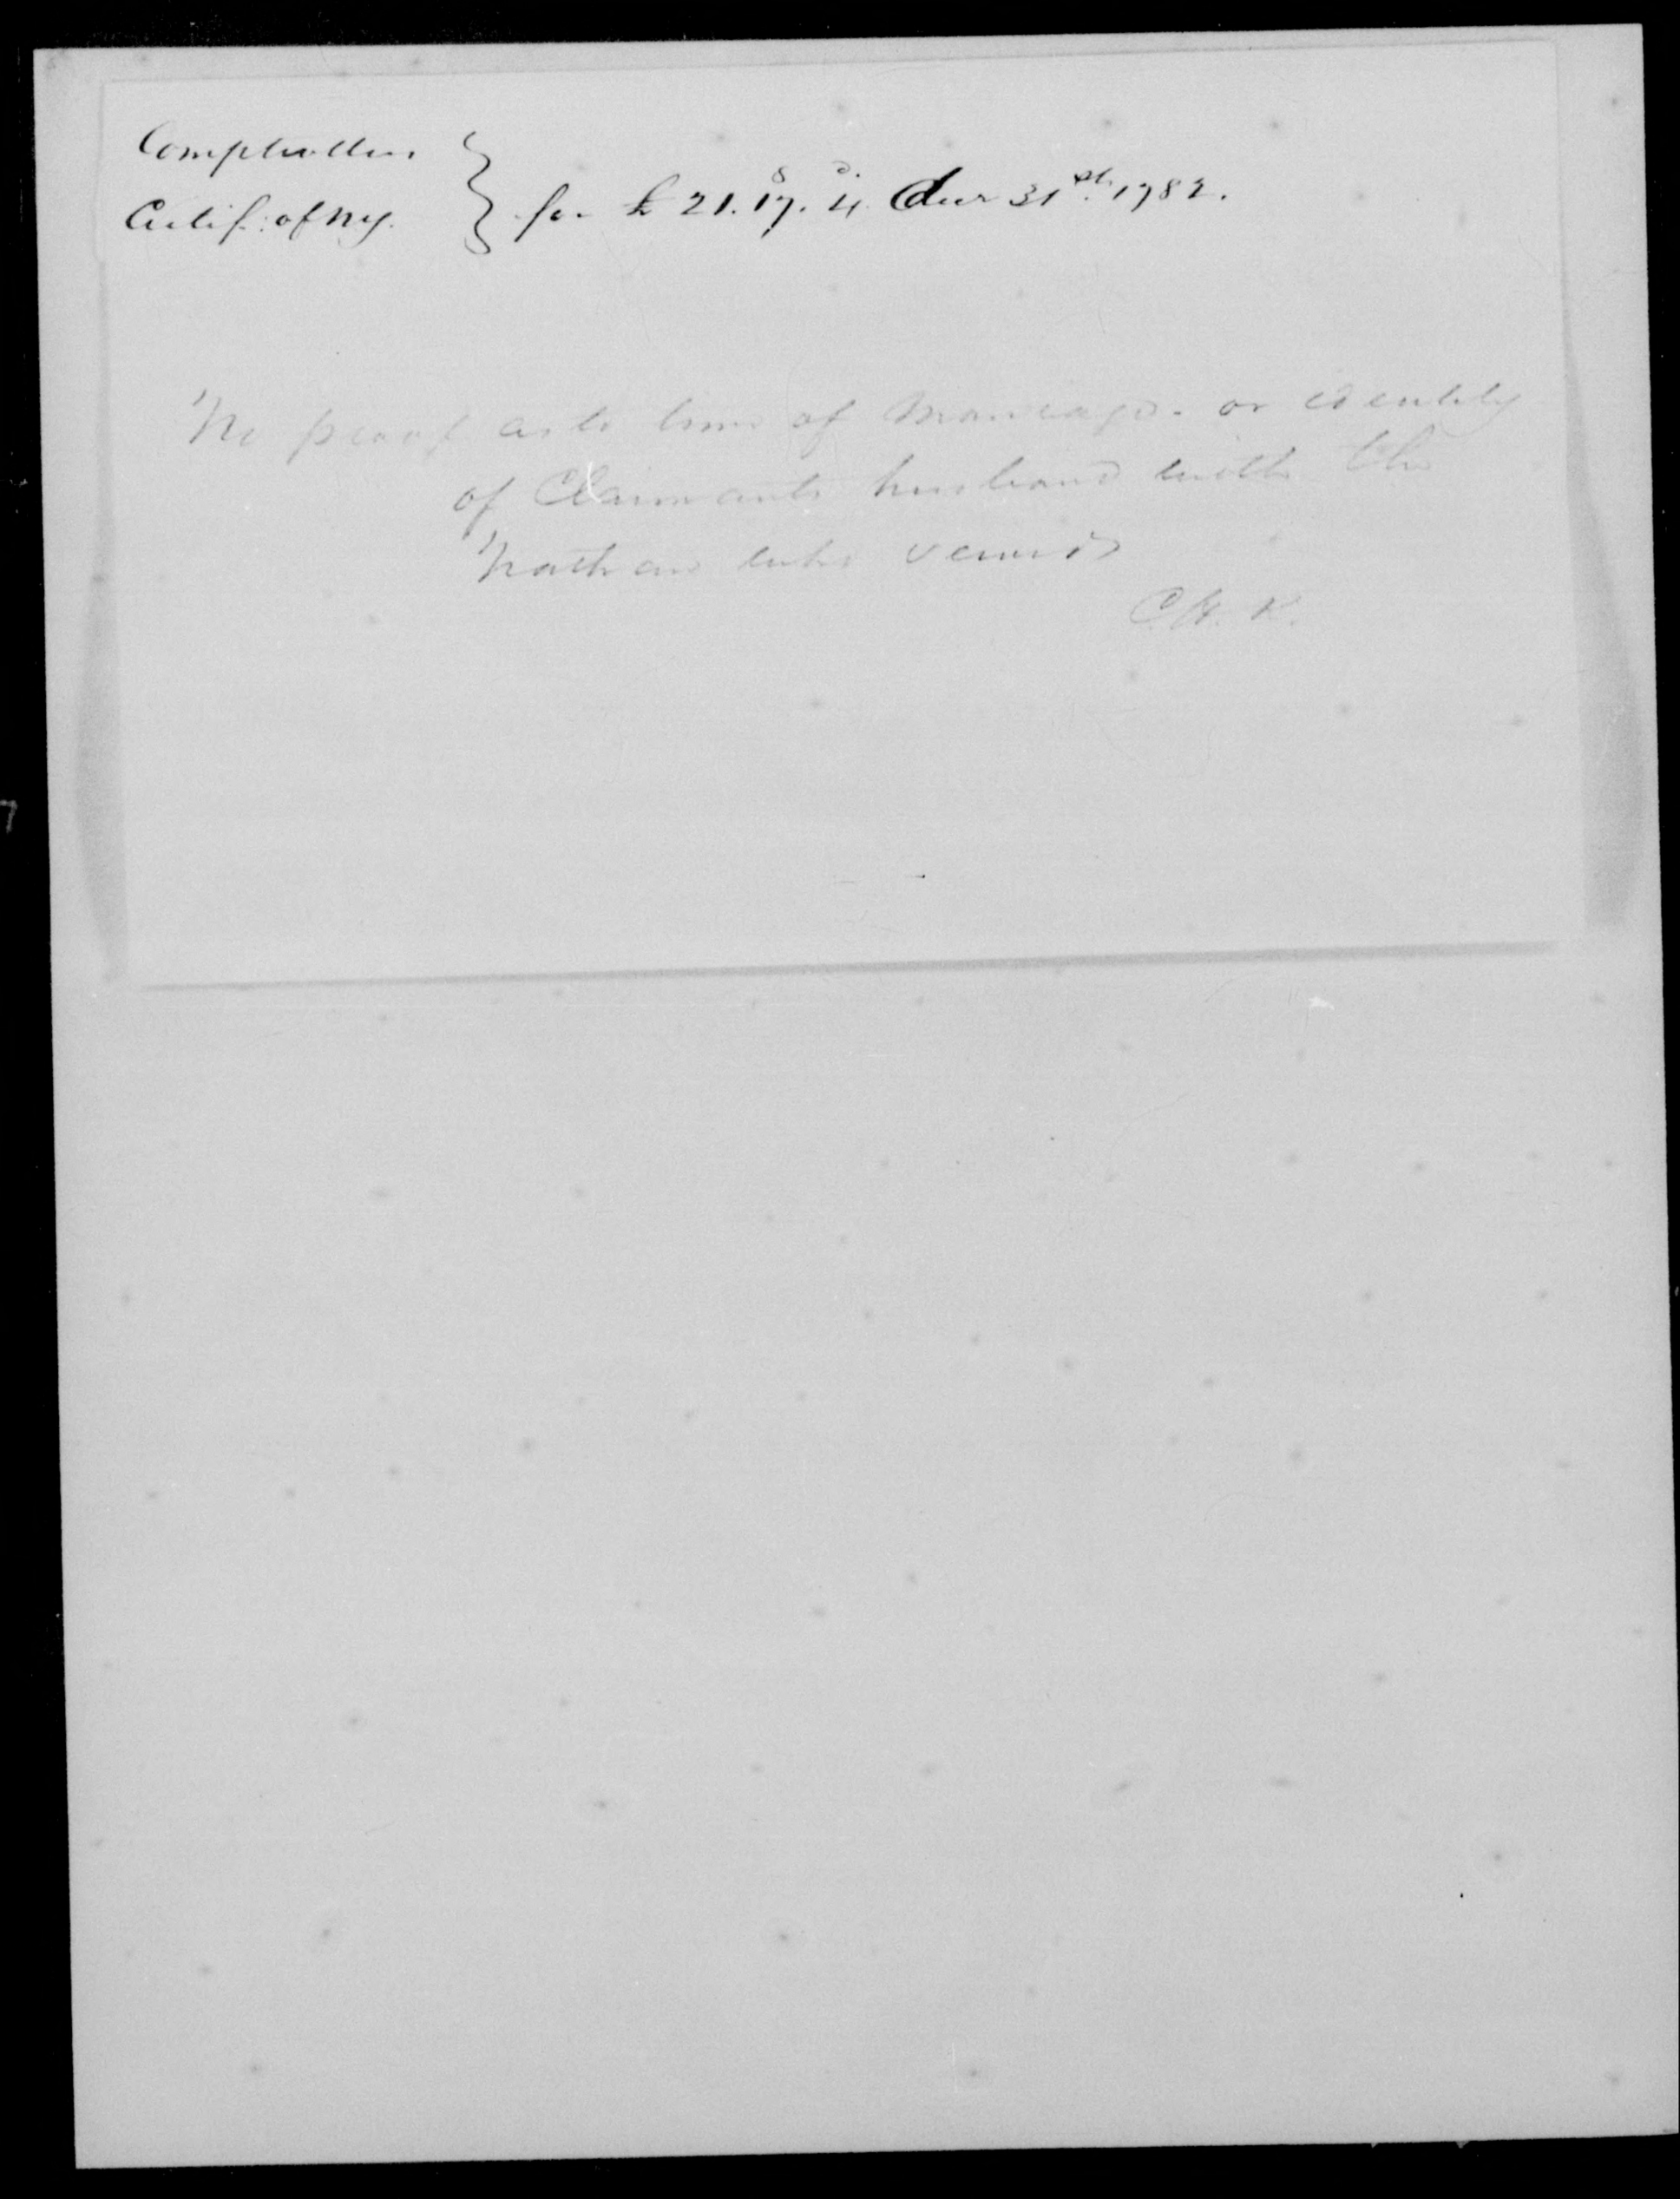Comptroller Certif. of NY for L21.17.4 [illegible] 31st 1782

No proof as to time of marriage or identity of claimants husband with the Nathan who served. CHN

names: [BLANK]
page: 17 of 33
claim: rejected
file: R. 5603, for Nathan Spicer, New York